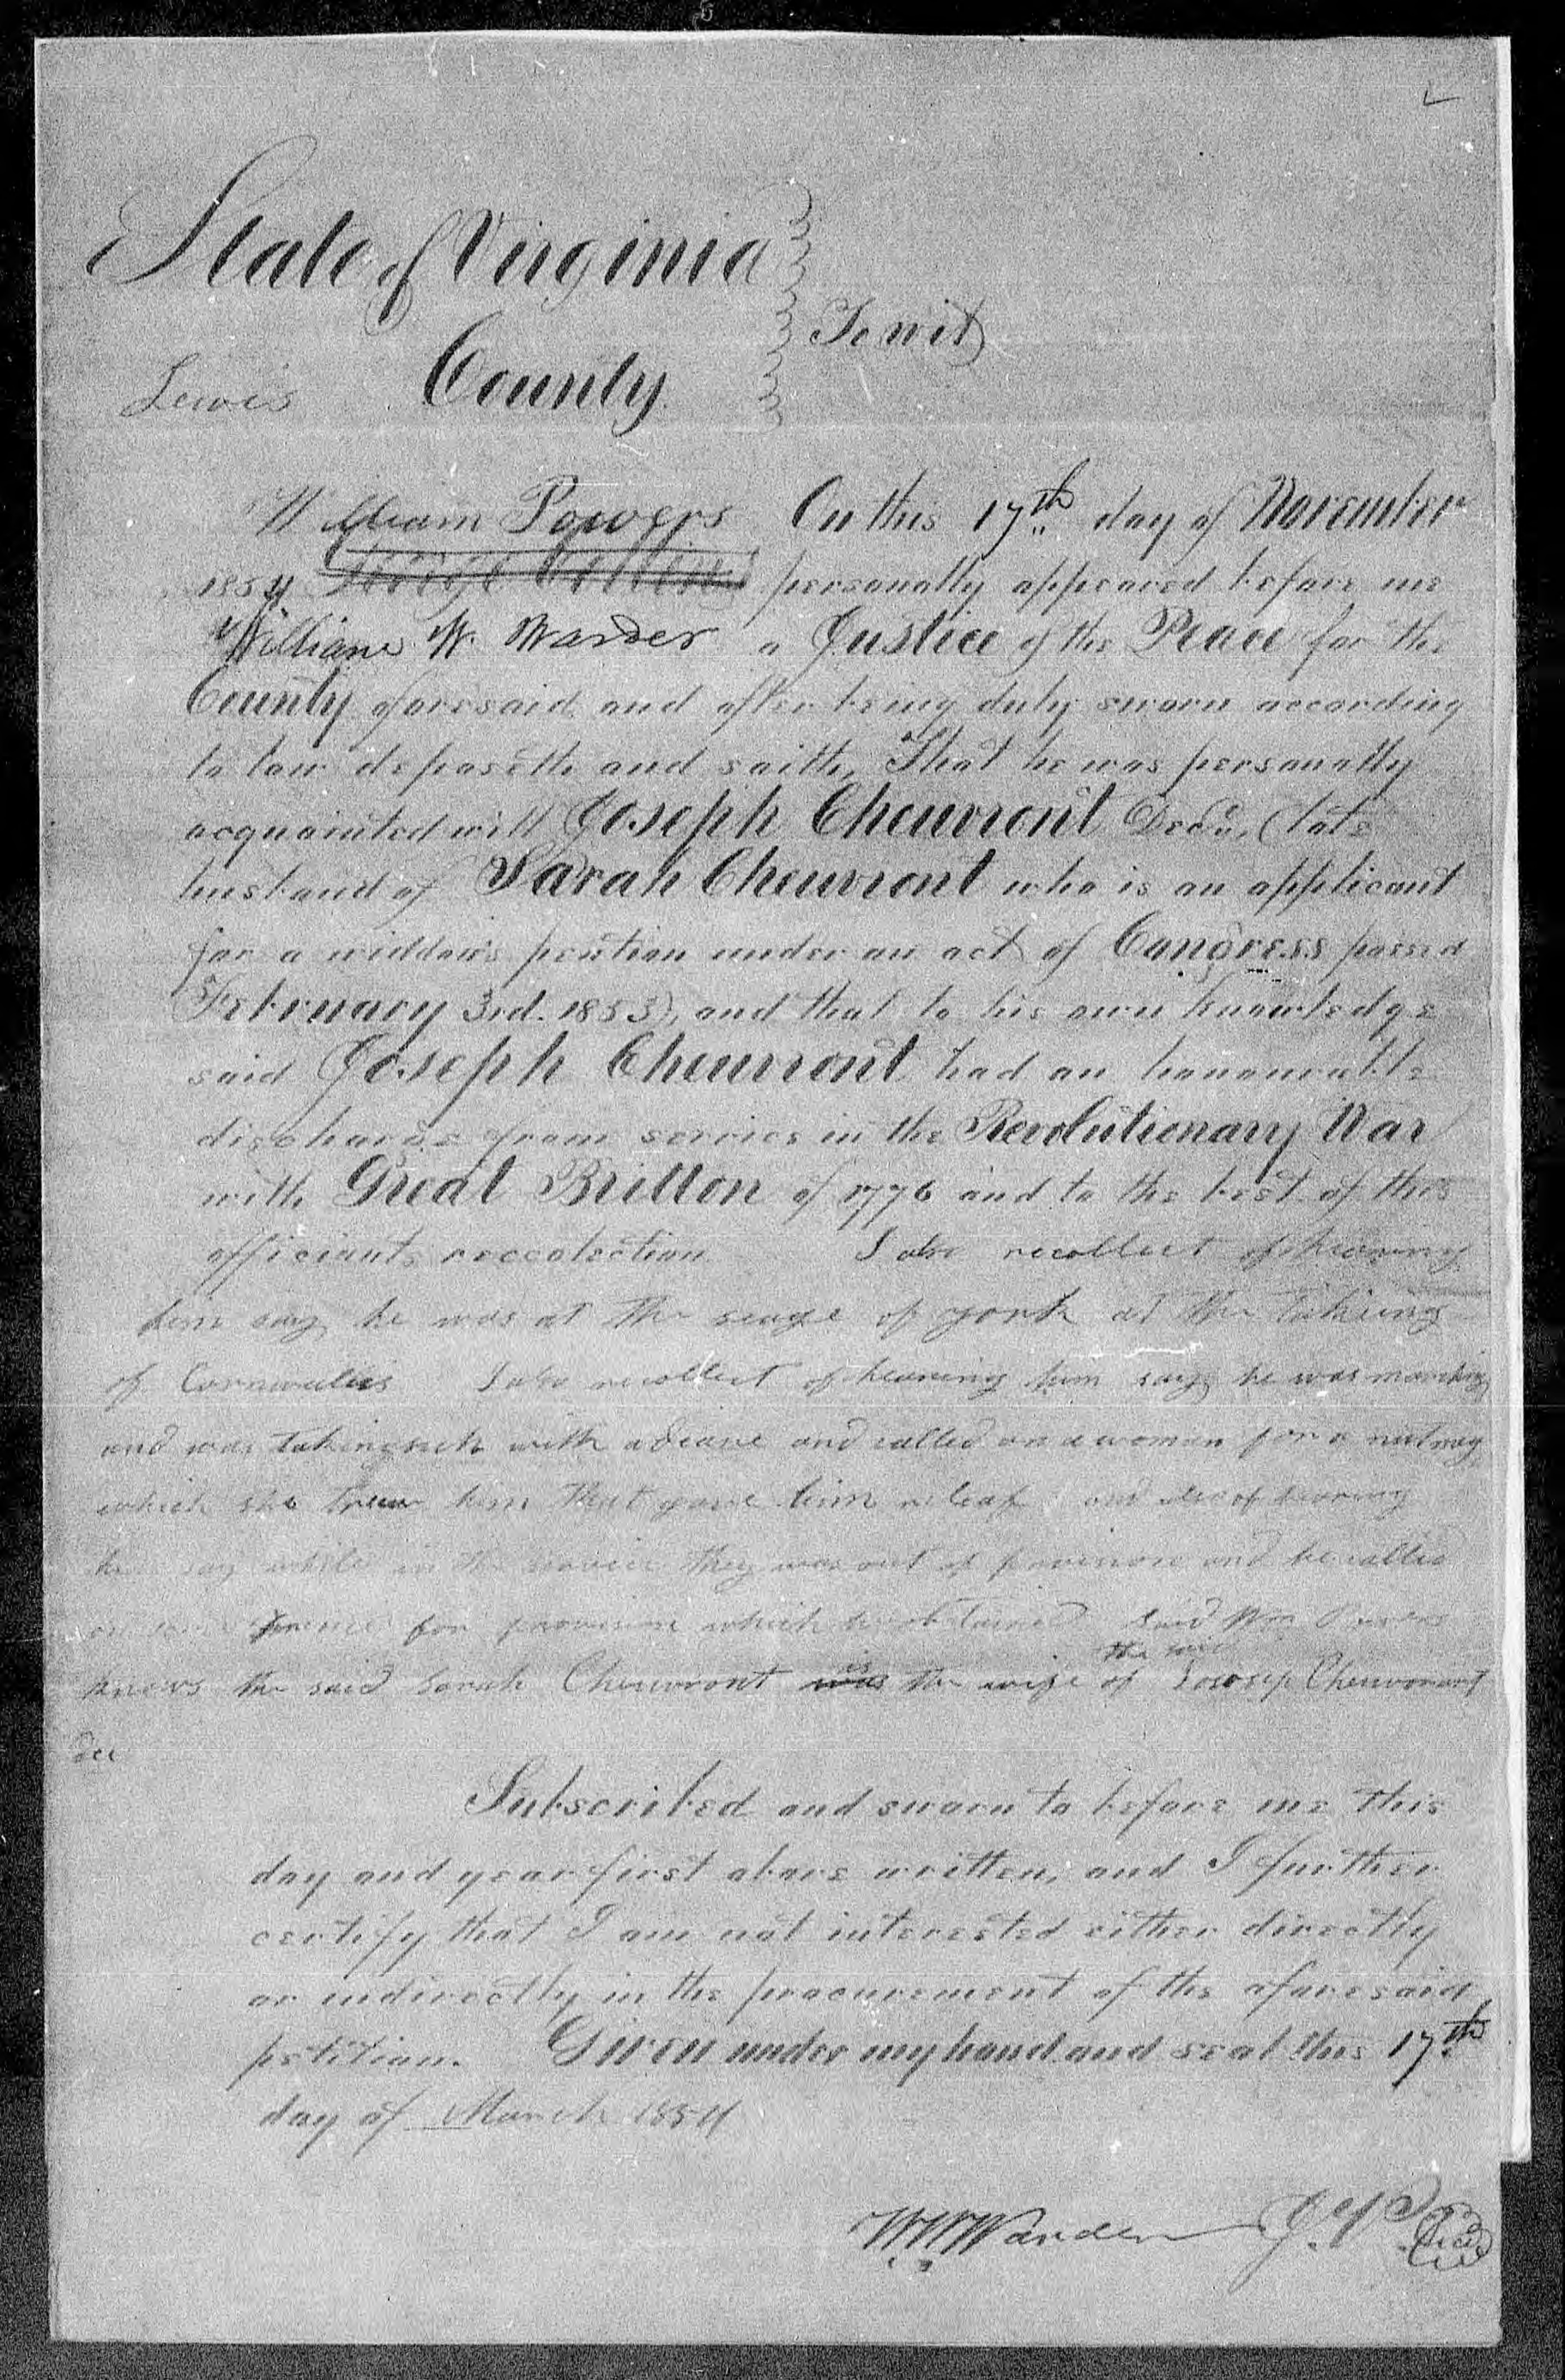State of Virginia
Lewis County

William Powers  On this 17th day of November 1854 [the name George Collins is lined out and the name William Powers is written above on the same line as the "On this 17th.....] personally appeared before me William W. Warder a Justice of the Peace for the County aforesaid and after being duly sworn according to law deposeth and saith, That he was personally acquainted with Joseph Cheuvront Dec'd [deceased] late husband of Sarah Cheurvont who is an applicant for a widdows [widow's] pention [pension] under an act of Congress passed February 3rd 1853, and that to his own knowledge said Joseph Cleuvront had an honorable discharge from service in the Revolutionary War with Great Britton [Britain] of 1776 and to the best of this
officiants reccolection [recollection].   I also recollect of having him say he was at the siege of York [Yorktown] at the taking of Cornwallis   I also recollect of hearing him say he was marching and was taking sick with a disease and called on a woman for a remedy which she [illegible] him. That gave him deaf and loss of hearing. He say while in the service they was out provisions and he called [illegible] for provision which he obtained.  Said W. Powers knows the said Sarah Cheuvront is the wife of Joseph Cheuvront.

Subscribed and sworn to before me this day and year first above written and I further certify that I am not interested either directly or indirectly in the procurement of the aforesaid petition. Given under my hand and seal the 17th
day of March 1854
W. W. Warden  J.P. [justice of the peace]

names: George Collins, Sarah Cheuvront, Joseph Cheuvront, Wm Powers, W W Warder, William Powers, Sarah Cheuvront, Joseph Cheuvront, Joseph Cheuvront, William W Warder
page: 20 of 21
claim: rejected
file: R. 1,907, Joseph Cheuvront, Va.